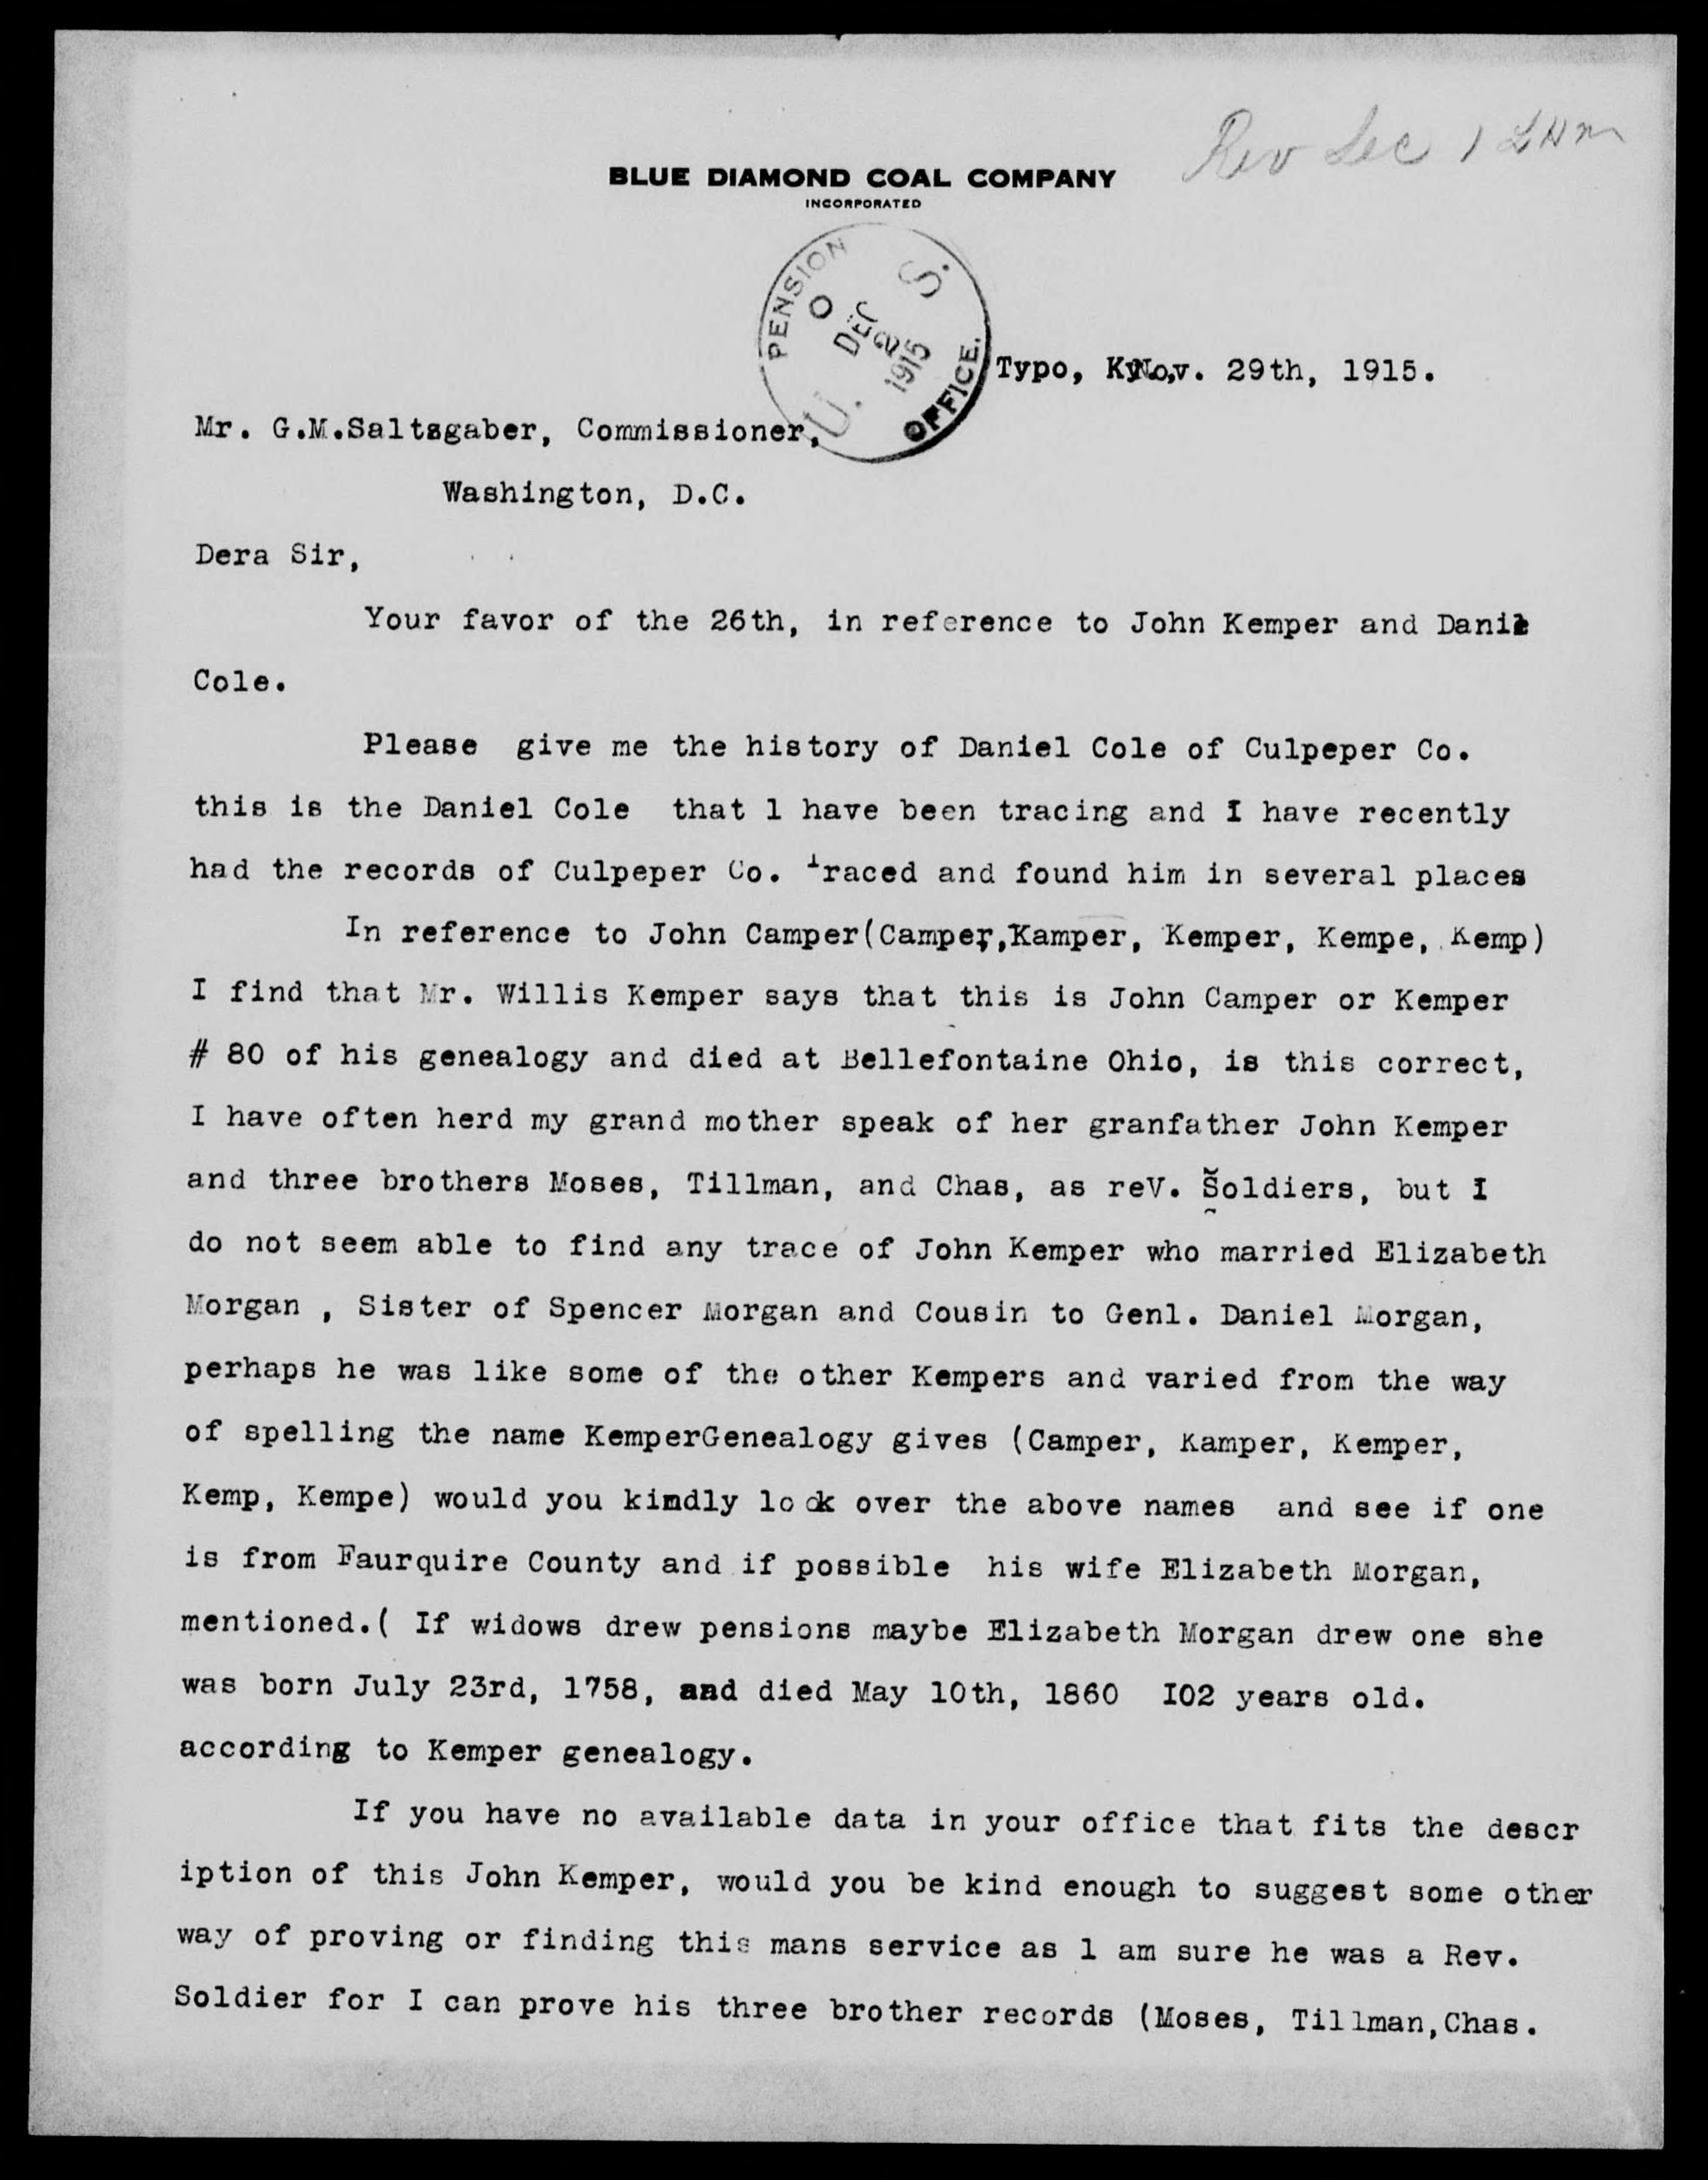BLUE DIAMOND COAL COMPANY
INCORPORATED [header, centered]

Rev Dec 1 L.H M [handwritten, top right corner]

U.S. Pension Office DEC 2 1915 [black circular stamp, centered]

Typo, Ky. , Nov. 29th, 1915.

Mr. G.M. Saltsgaber, Commissioner, 
Washington, D.C.

Dera Sir,
Your favor of the 26th, in reference to John Kemper and Daniel
Cole.

Please give me the history of Daniel Cole of Culpeper Co.
this is the Daniel Cole that I have been tracing and I have recently
had the records of Culpeper Co. traced and found him in several places

In reference to John Camper (Camper, Kamper, Kemper, Kempe, Kemp) I find that Mr. Willis Kemper says that this is John Camper or Kemper #80 of his genealogy and died at Bellefontaine Ohio, is this correct, I have often herd my grand mother speak of her grandfather John Kemper and three brothers Moses, Tillman, and Chas, as rev. Soldiers, but I do not seem able to find any trace of John Kemper who married Elizabeth Morgan, Sister of Spencer Morgan and Cousin to Genl. Daniel Morgan, perhaps he was like some of the other Kempers and varied from the way of spelling the name Kemper Genealogy gives (Camper, Kamper, Kemper, Kemp, Kempe) would you kindly look over the above names and see if one is from Faurquire County and if possible his wife Elizabeth Morgan, mentioned.( If widows drew pensions maybe Elizabeth Morgan drew one she was born July 23rd, 1758, and died May 10th, 1860 102 years old. according to Kemper geneaology.

If you have no available data in your office that fits the description of this John Kemper, would you be kind enough to suggest some other
way of proving or finding this mans service as I am sure he was a Rev.
Soldier for I can prove his three brother records (Moses, Tillman, Chas.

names: Moses, Chas, Spencer Morgan, Kemper, John Kemper, John Kemper, Tillman, Kempe, Daniel Cole, Moses, Daniel Cole, John Kempe, Kemp, Kempers, Kamper, G M Saltzgaber, John Kemper, John Kemper, Tillman, Kemper, John Kamper, Camper, John Kemper, Daniel Cole, John Kemper, Elizabeth Morgan, Daniel Morgan, John Camper, Elizabeth Morgan, Elizabeth Morgan, Chas, John Camper, Kemper, John Camper, John Kemp, Willis Kemper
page: 60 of 61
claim: survivor's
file: S. 8236, Daniel Cole, Va.